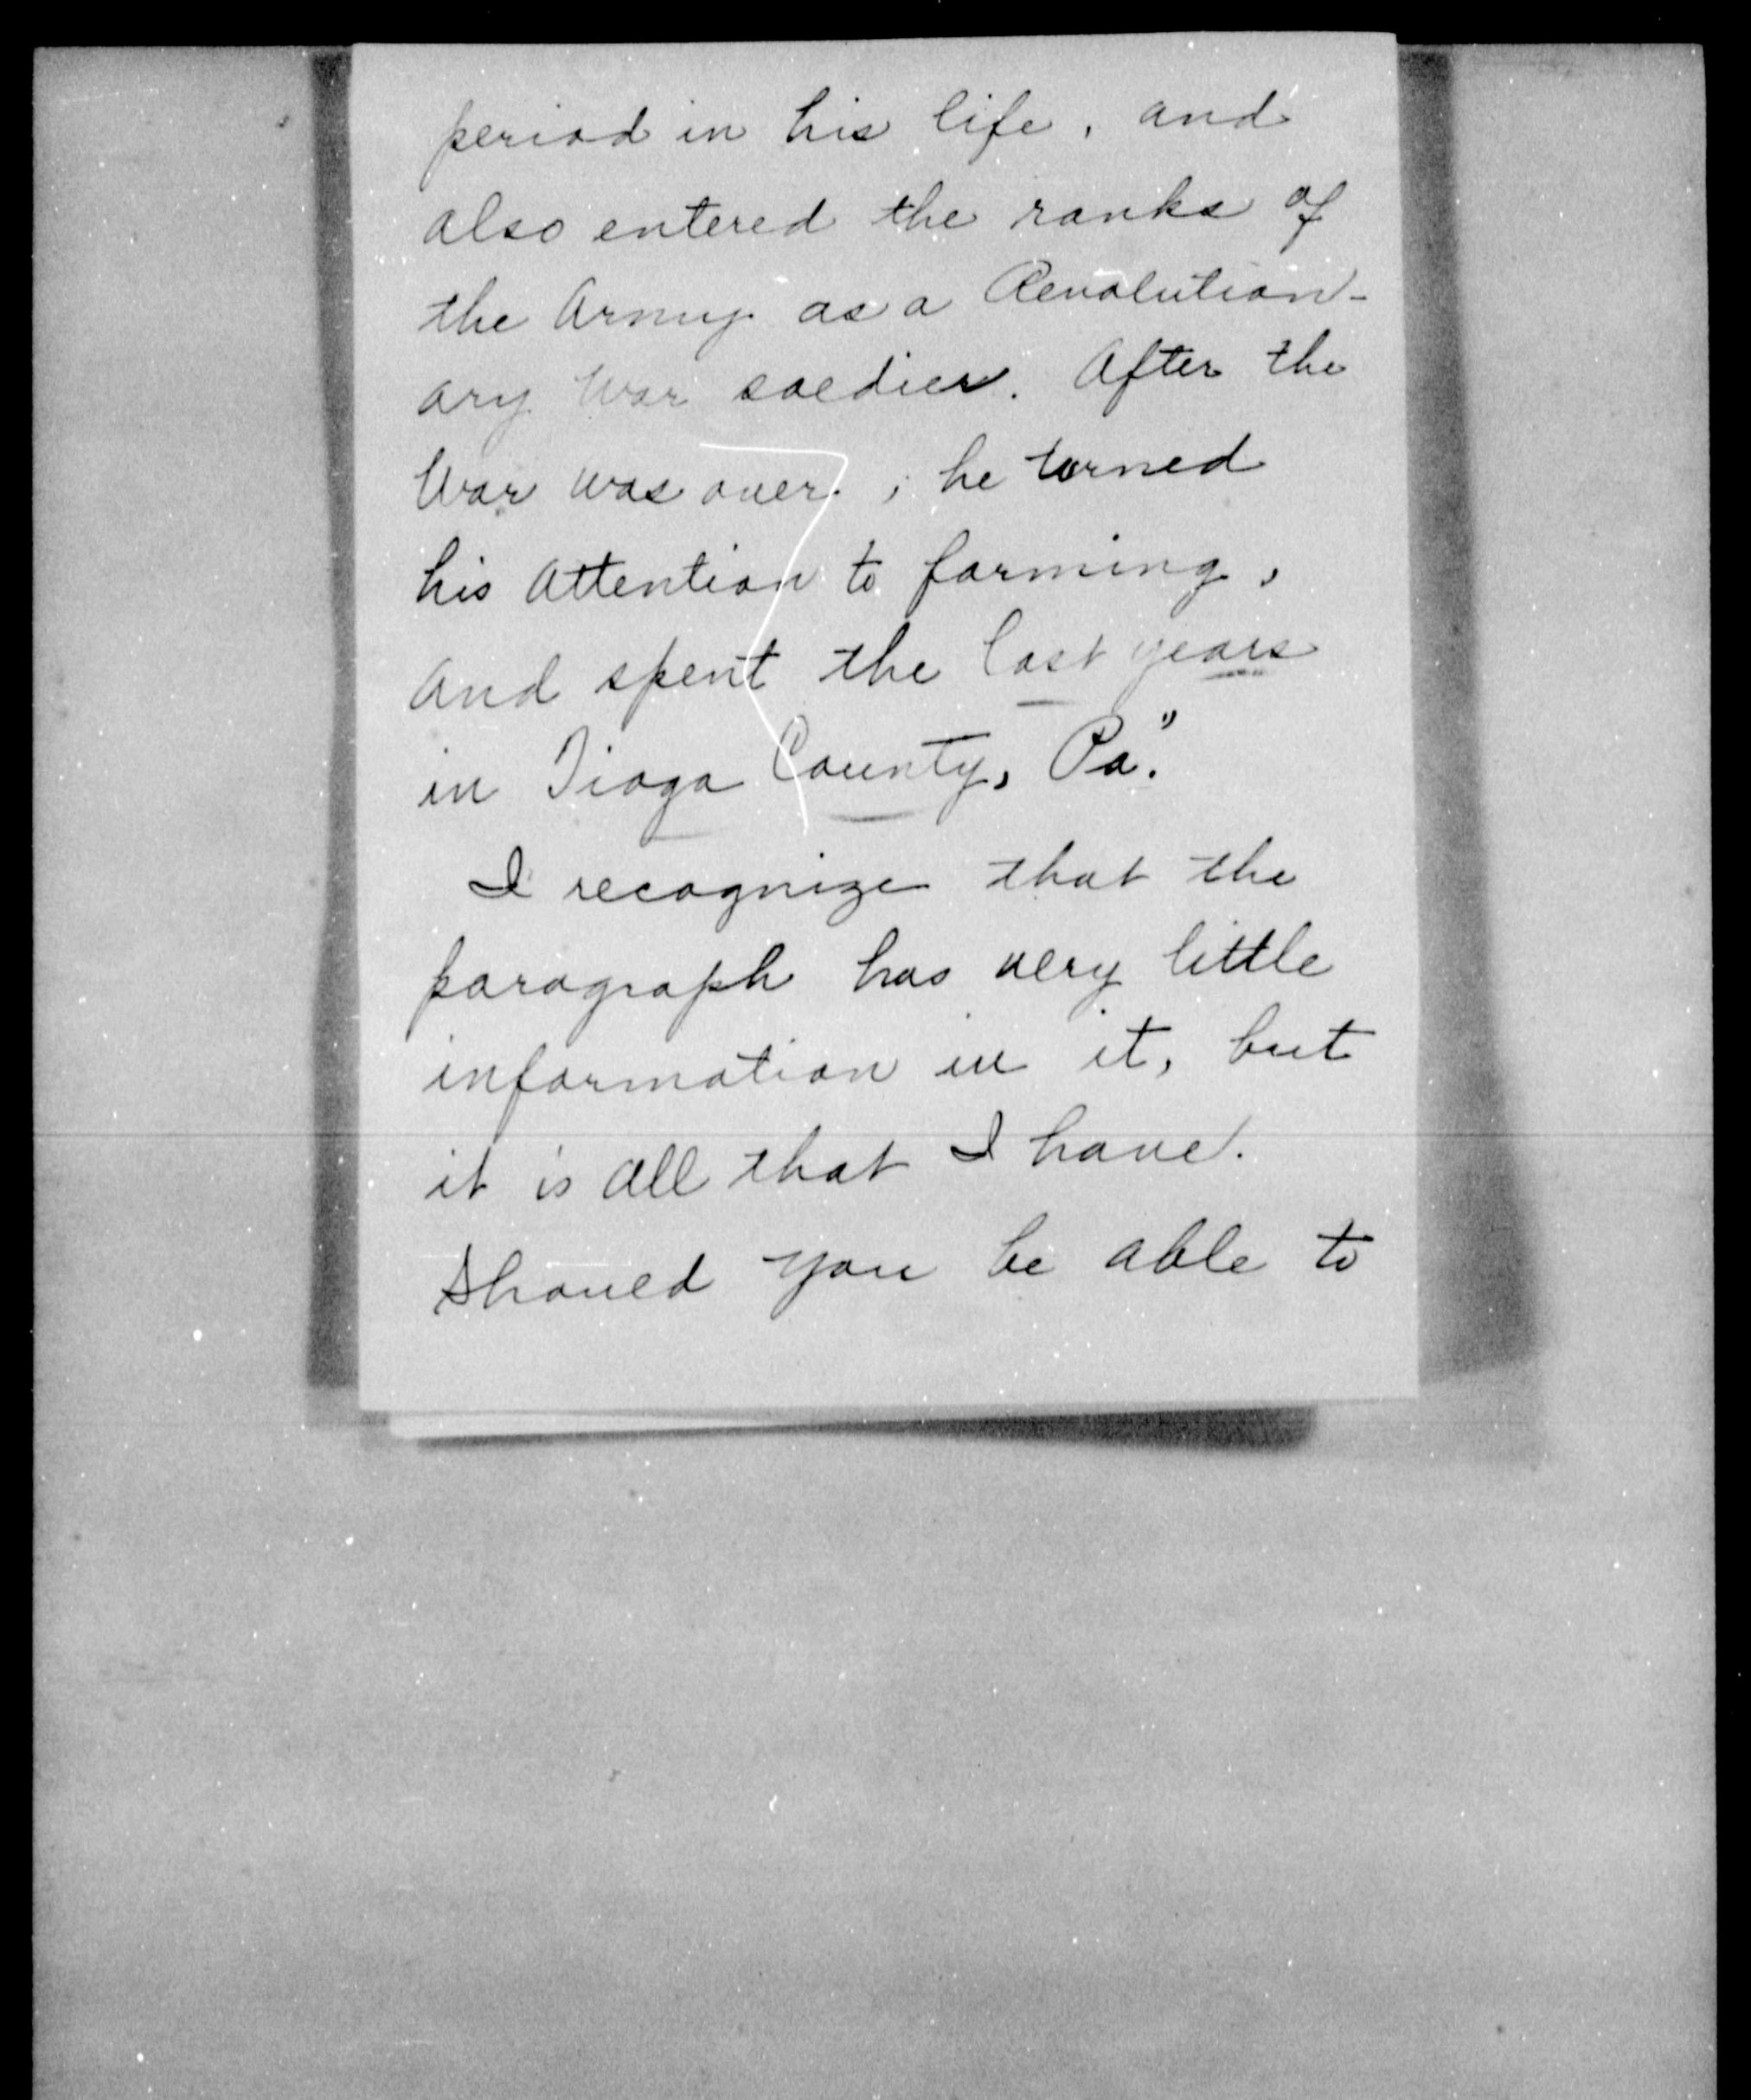period in his life, and
also entered the ranks of
the Army as a Revolutionary
War soldier. After the
War was over.; he turned
his attention to farming,
and spent the last years
in Tioga County, Pa."
I recognize that the
paragraph has very little
information in it, but
it is all that I have.
Should you be able to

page: 17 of 19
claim: survivor's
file: S. 14,273, for William Reynolds, Pennsylvania